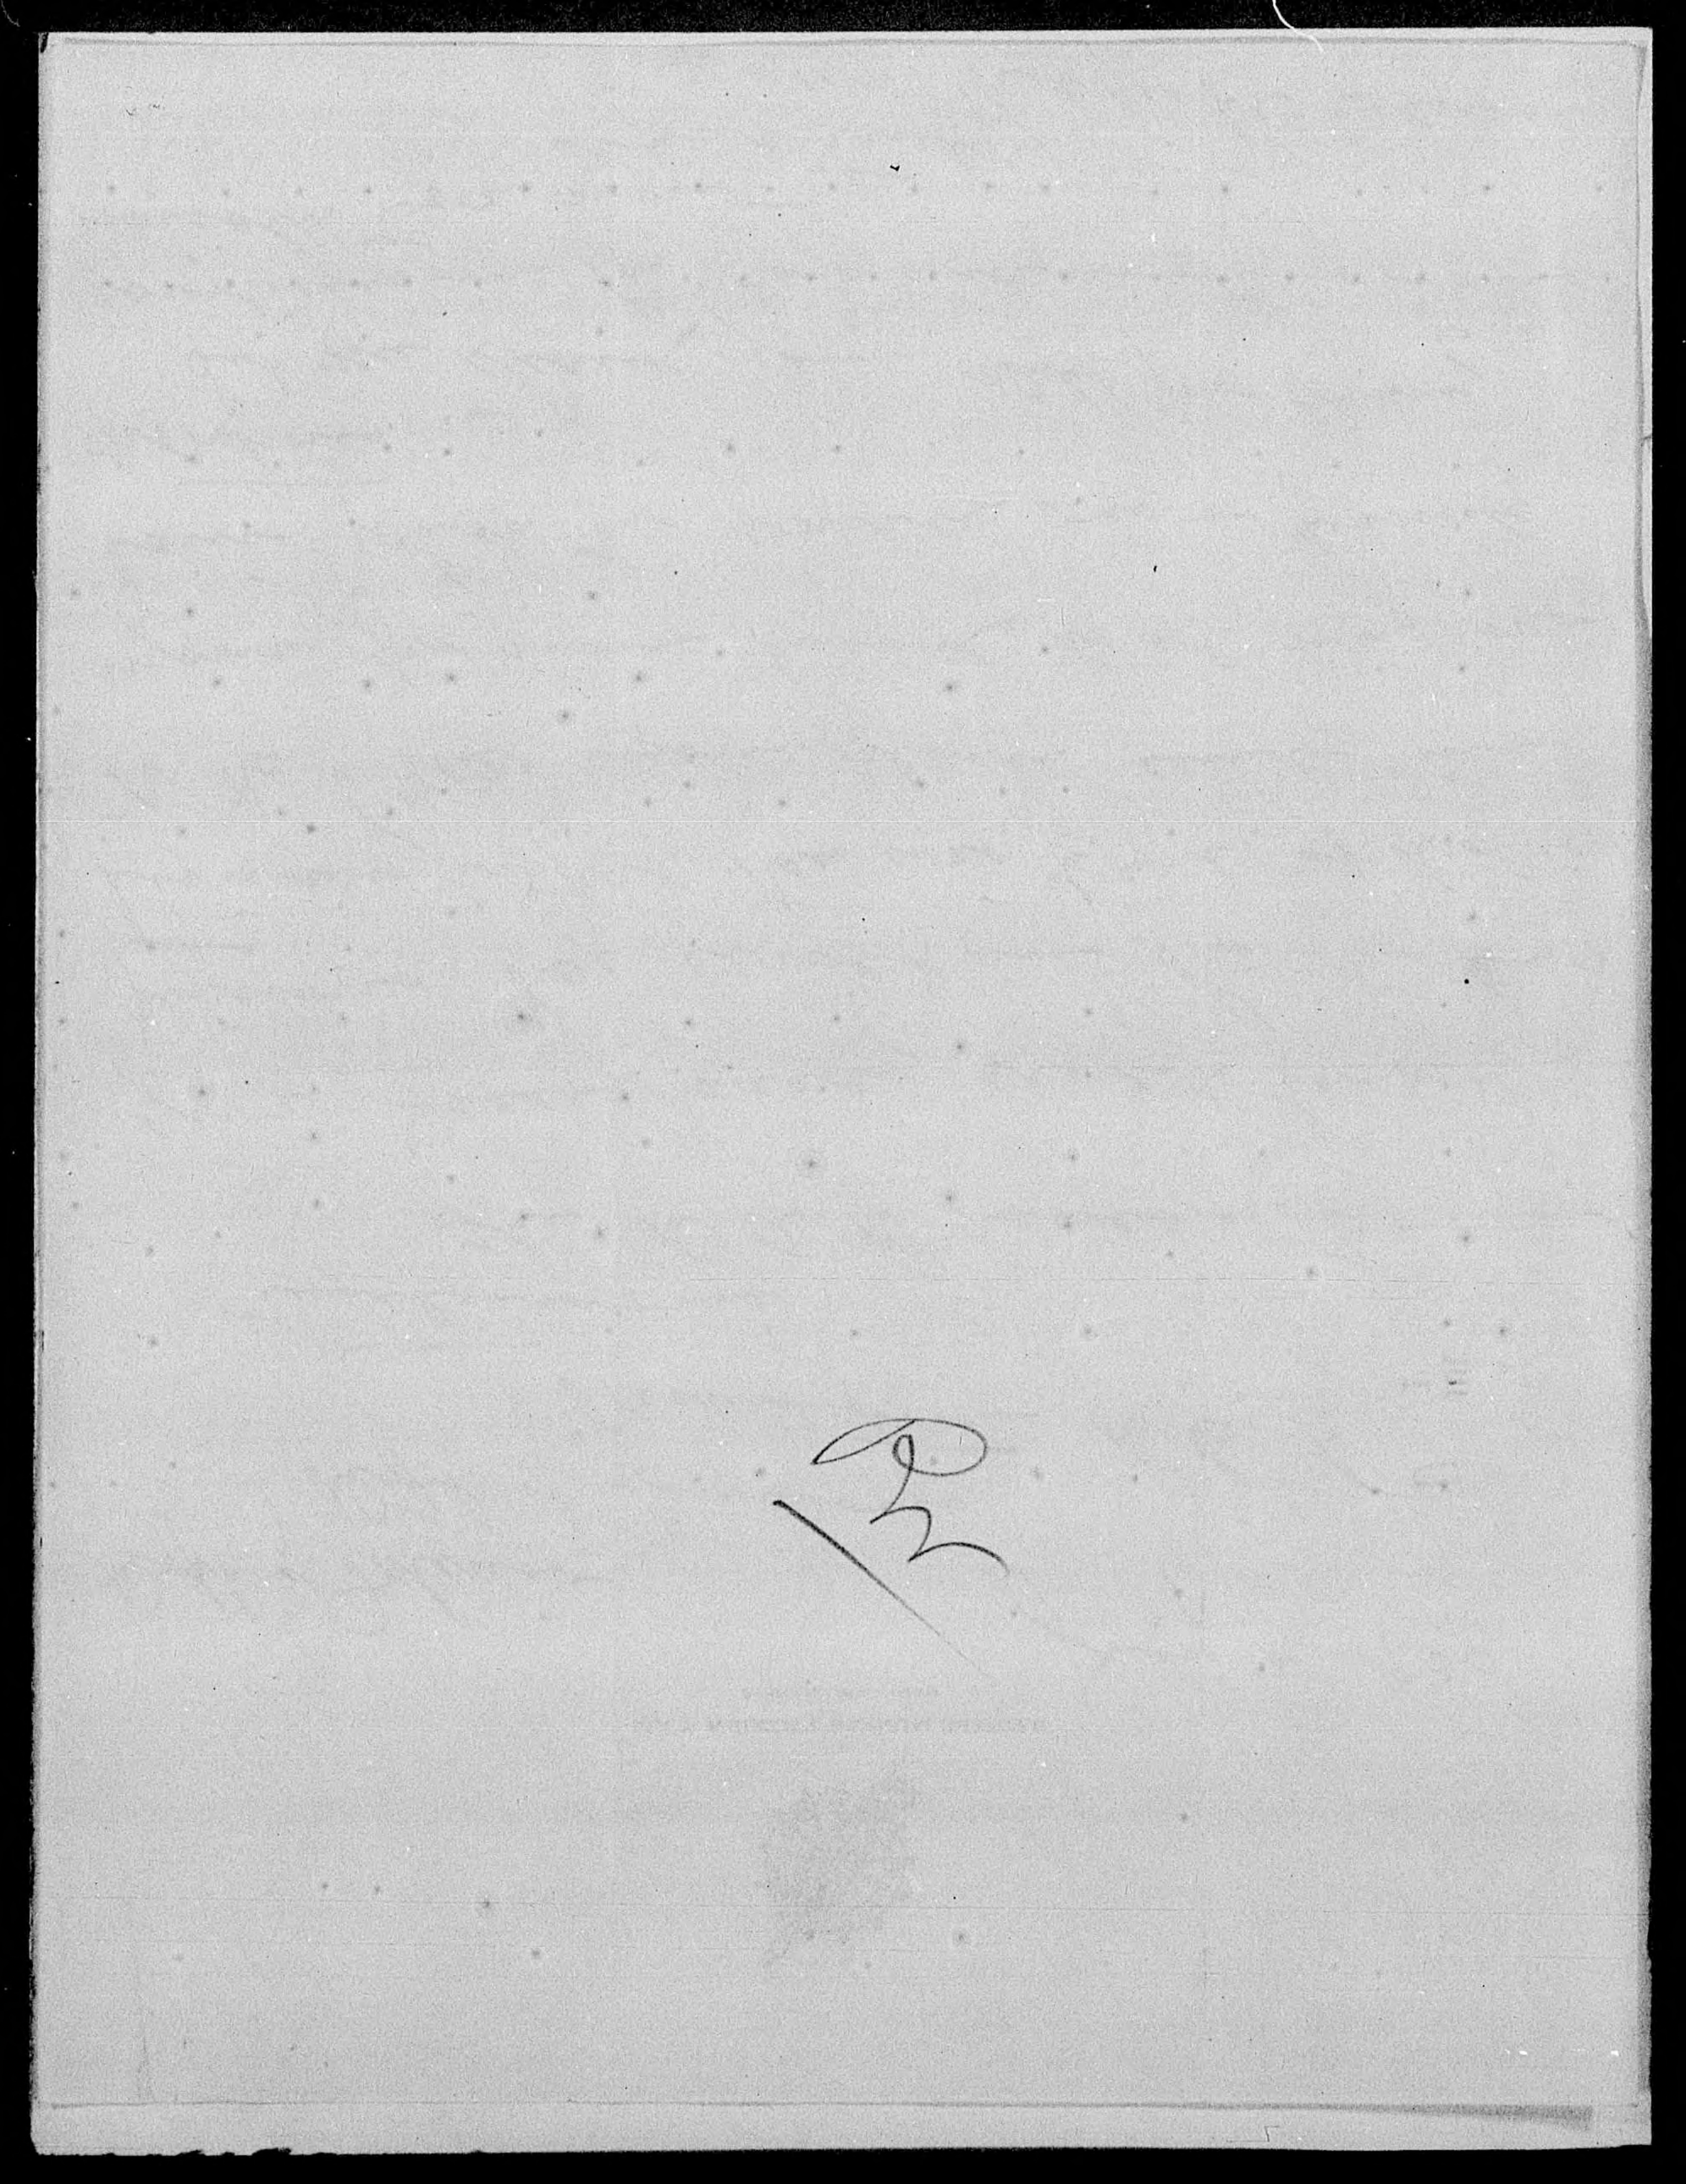Service: Mass

Hardy, Jesse Abigail
Number: W23/83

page: 25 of 67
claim: widow's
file: W. 23183, Jesse Hardy, Mass.